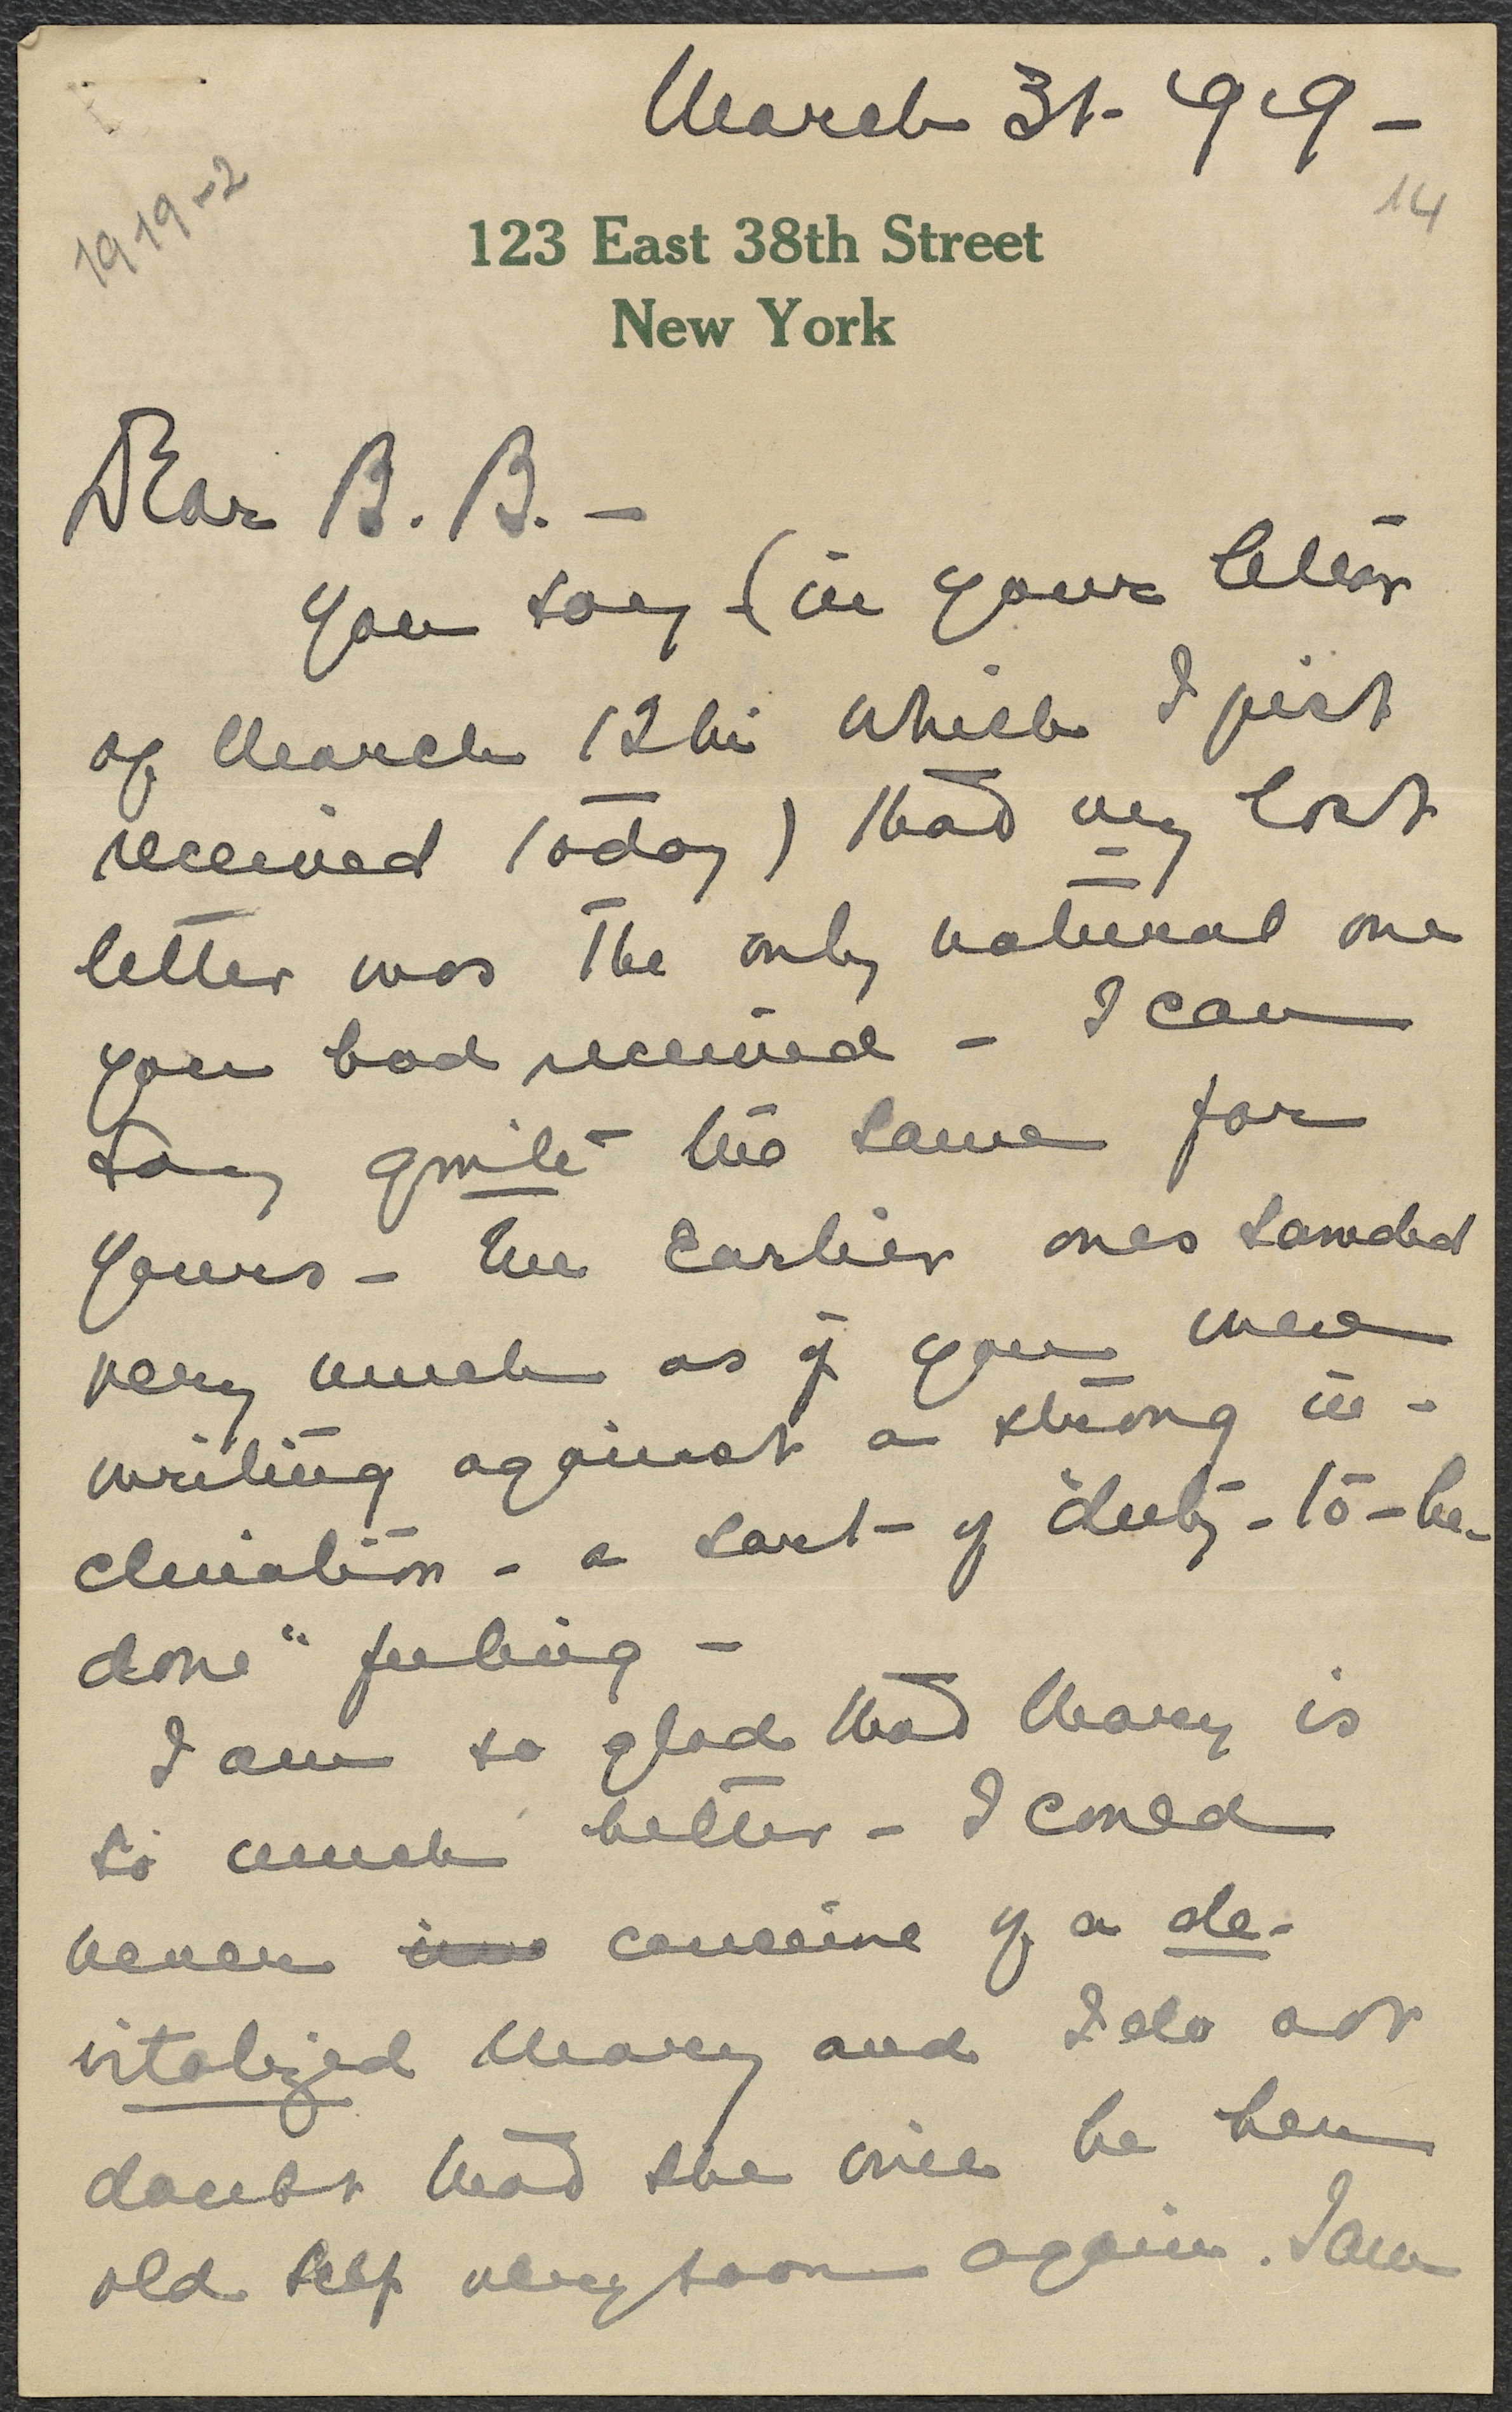March 31 – 1919 –
Dear B.B. –
You say (in your letter of March 12th which I just received today) that my last letter was the only natural one you had received – I can say quite the same for yours – the earlier ones sounded very much as if you were writing against a strong inclination – a sort of "duty-to-be-done" feeling –
I am so glad that Mary is so much better – I could never im conceive of a de-vitalized Mary and I do not doubt that she will be her old self very soon again. I am